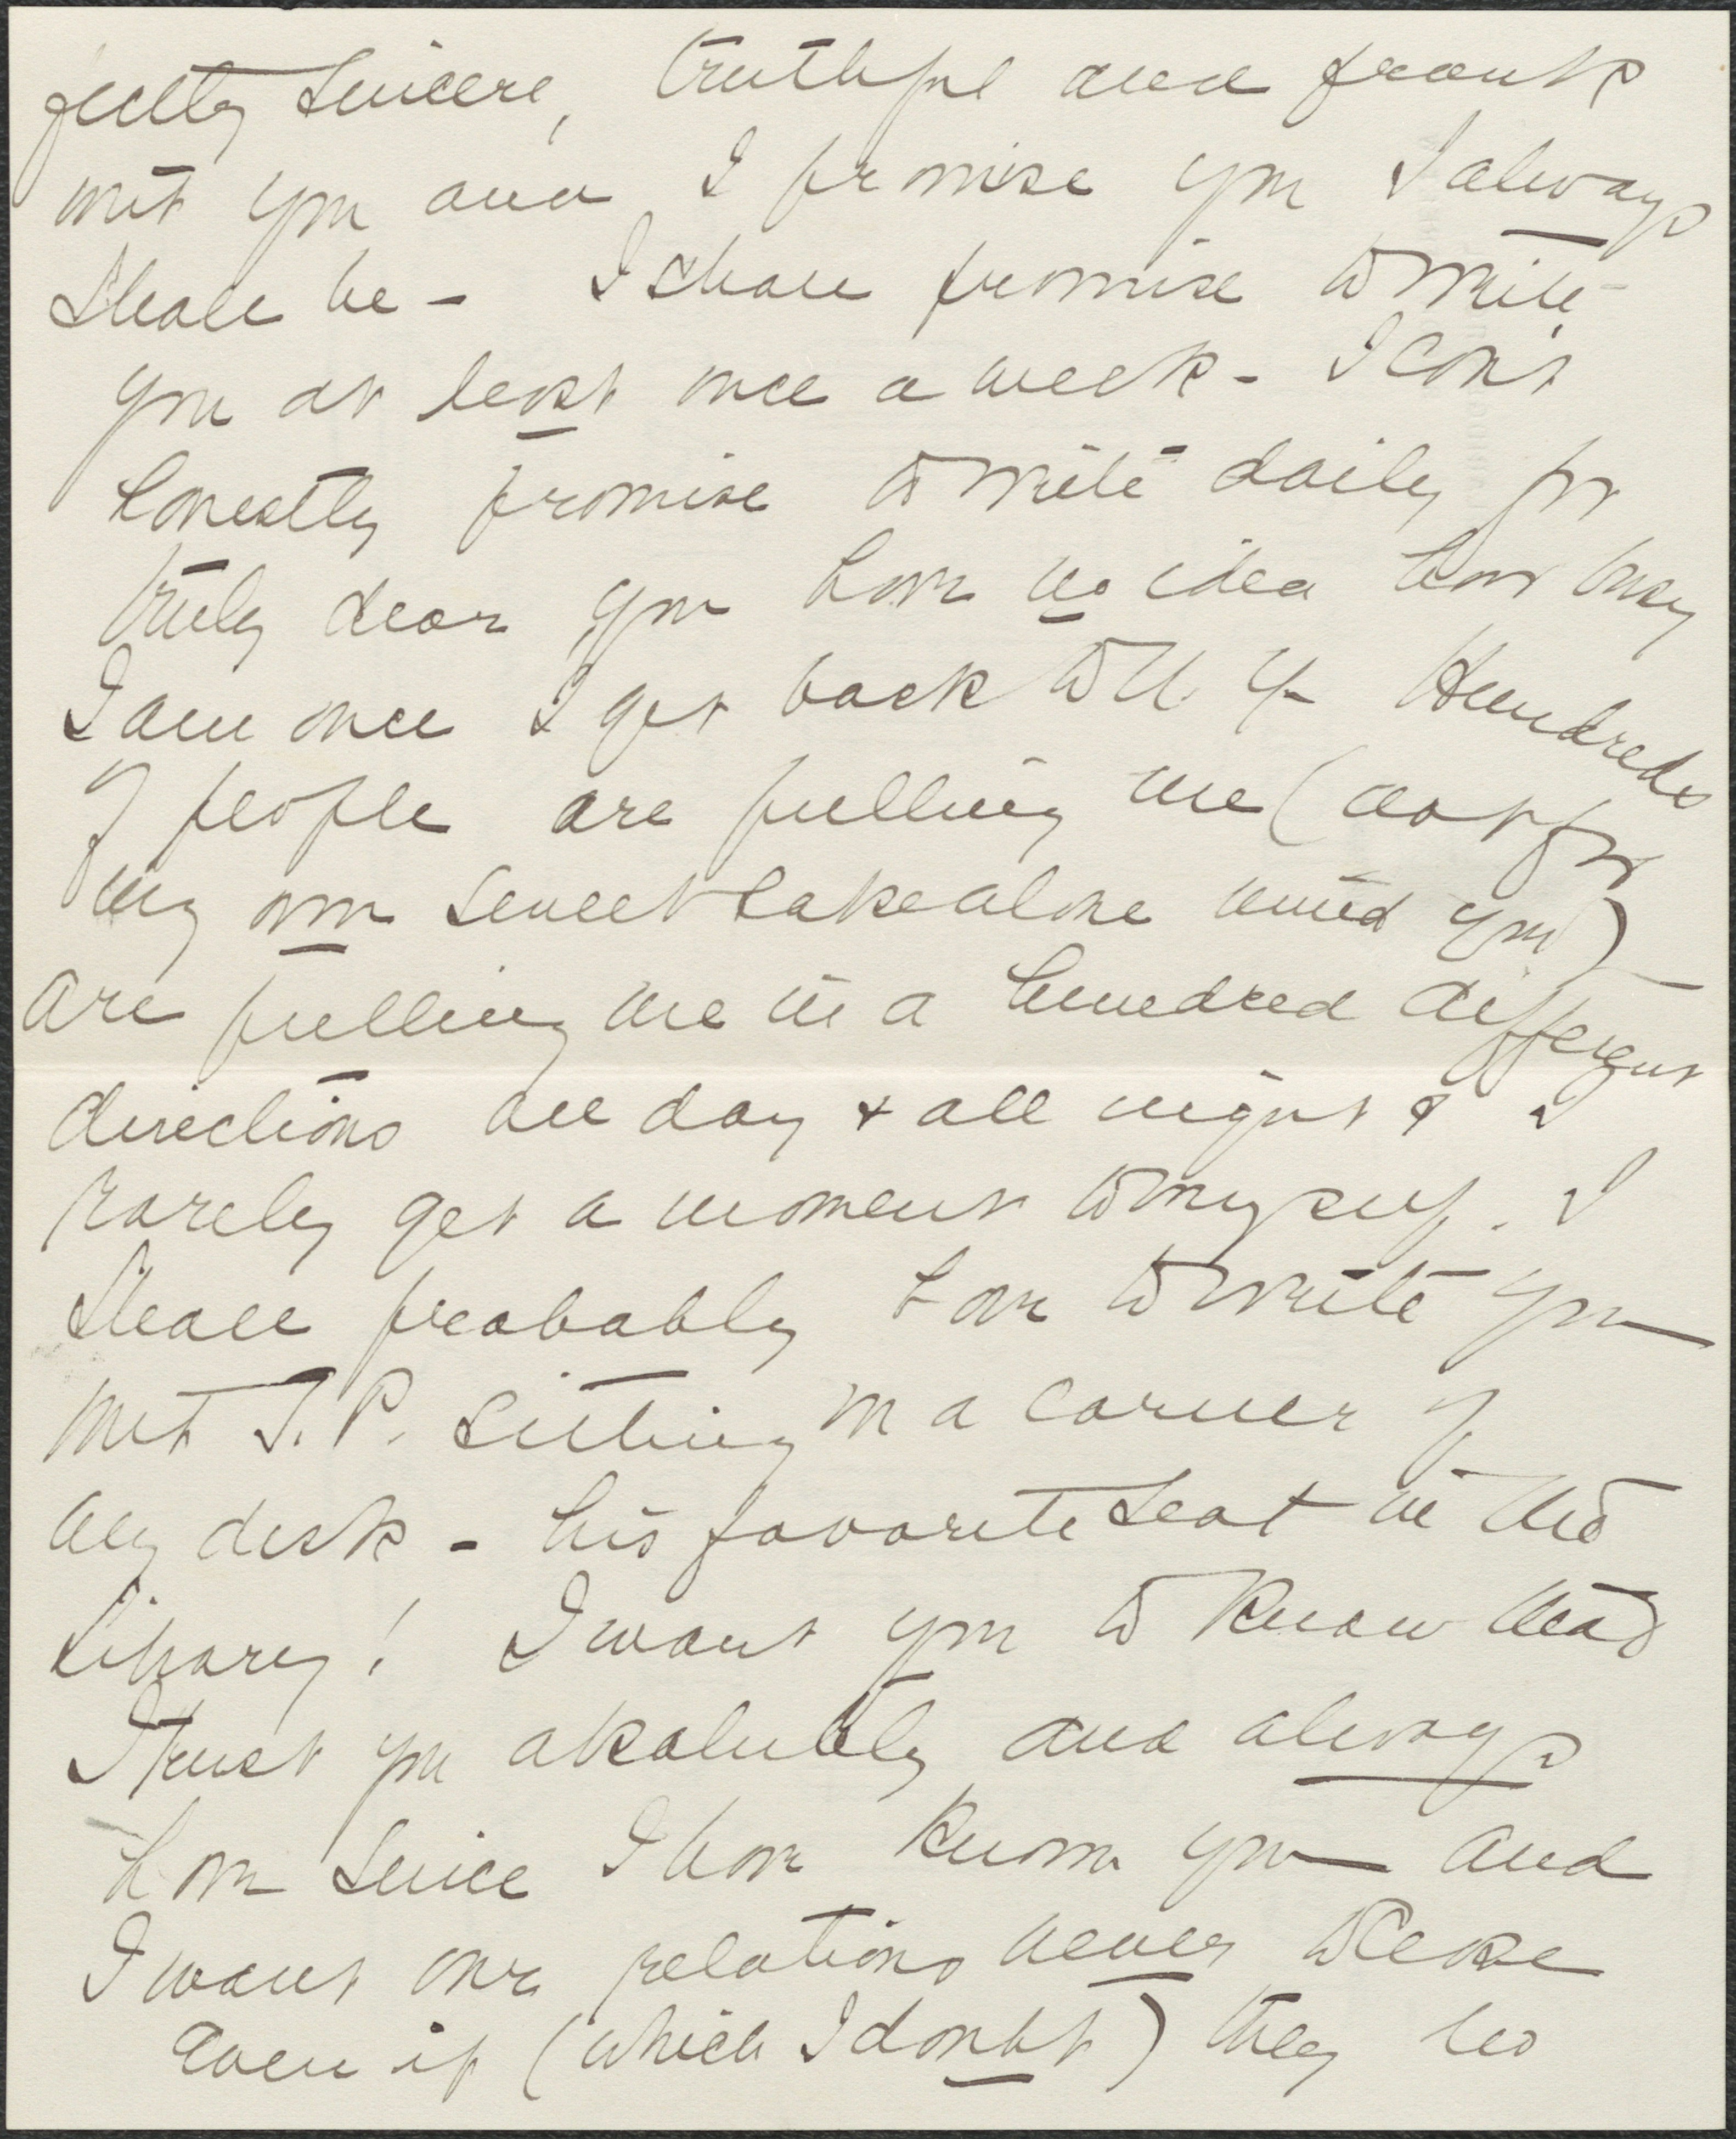sincere, truthful and frank with you and I promise you I always shall be – I shall promise to write you at least once a week – I can’t honestly promise to write daily for truly dear you have no idea how busy I am once I get back to N. Y – Hundreds of people are pulling me (not for my own sweet sake alone mind you) – are pulling me in a hundred different directions all day & all night & I rarely get a moment to myself. I shall probably have to write you with J. P. sitting on a corner of my desk – his favorite seat in the Library! I want you to know that I trust you absolutely and always have since I have known you and I want our relations never to cease even if (which I doubt) they no